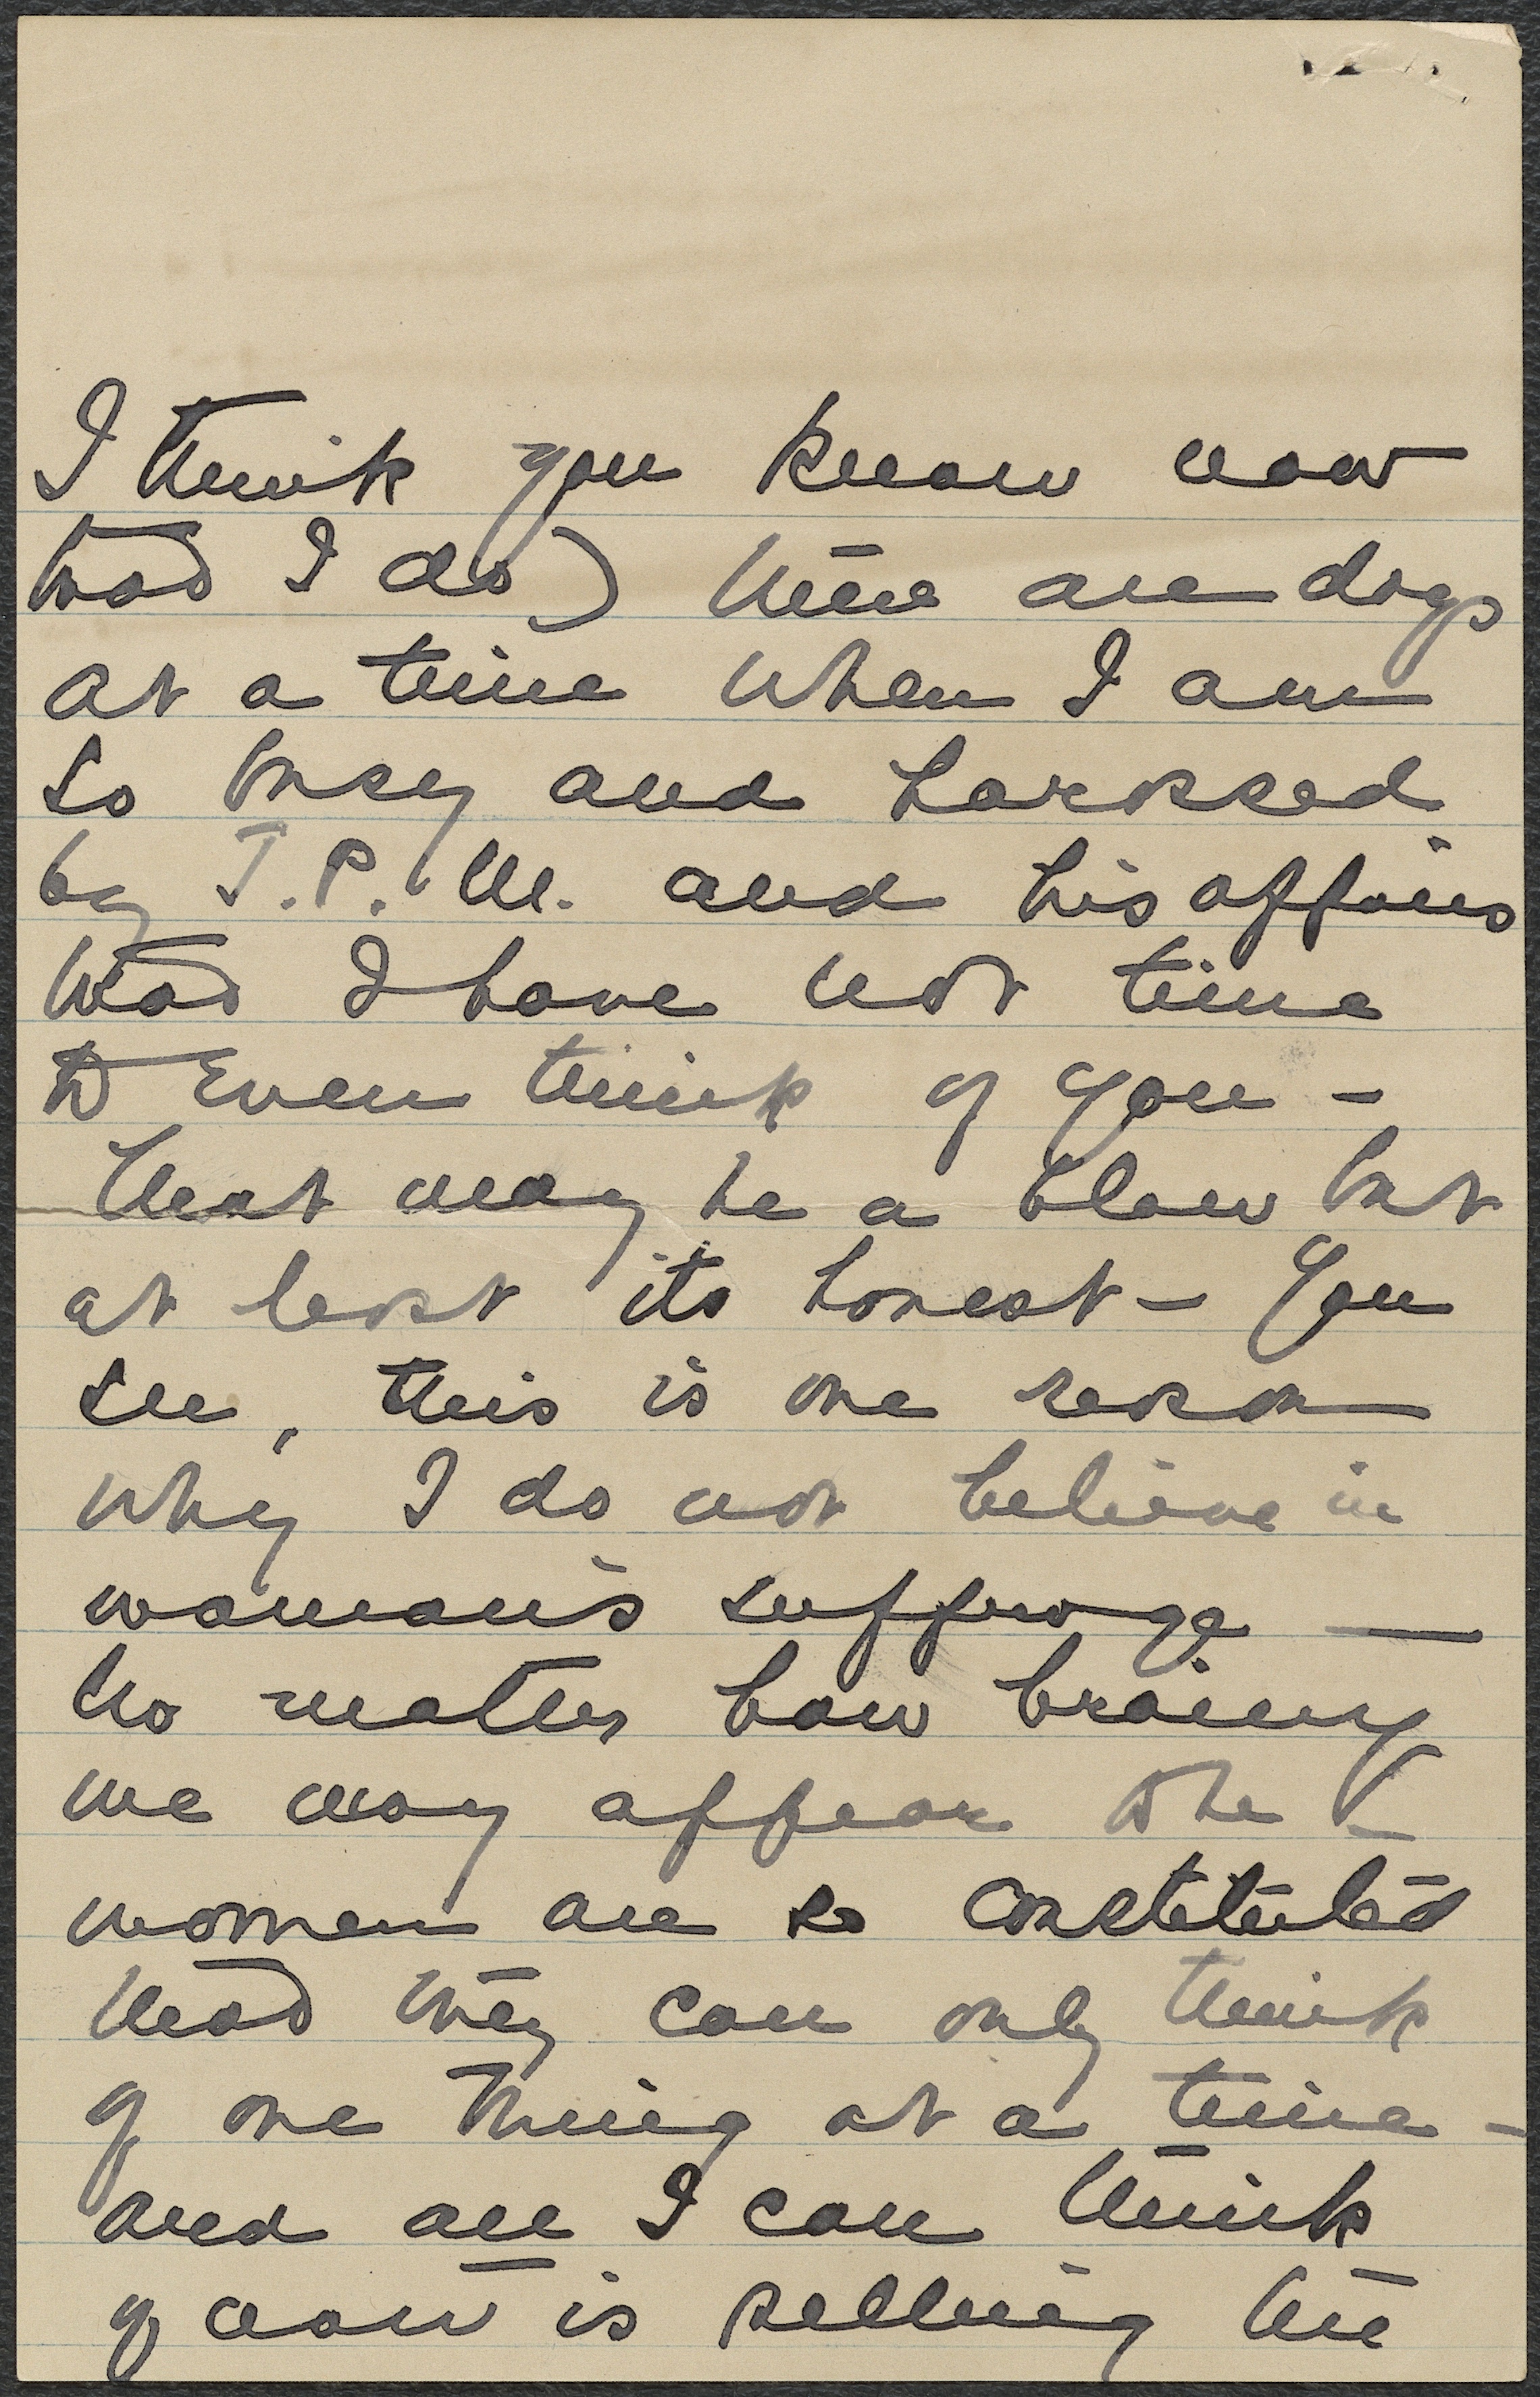I think you know now that I do) there are days at a time when I am so busy and harassed by J.P.M. and his affairs that I have not time to even think of you – That may be a blow but at least its [sic] honest – You see, this is one reason why I do not believe in woman’s suffrage – No matter how brainy we may appear to be – women are so constituted that they can only think of one thing at a time – and all I can think of now is selling the